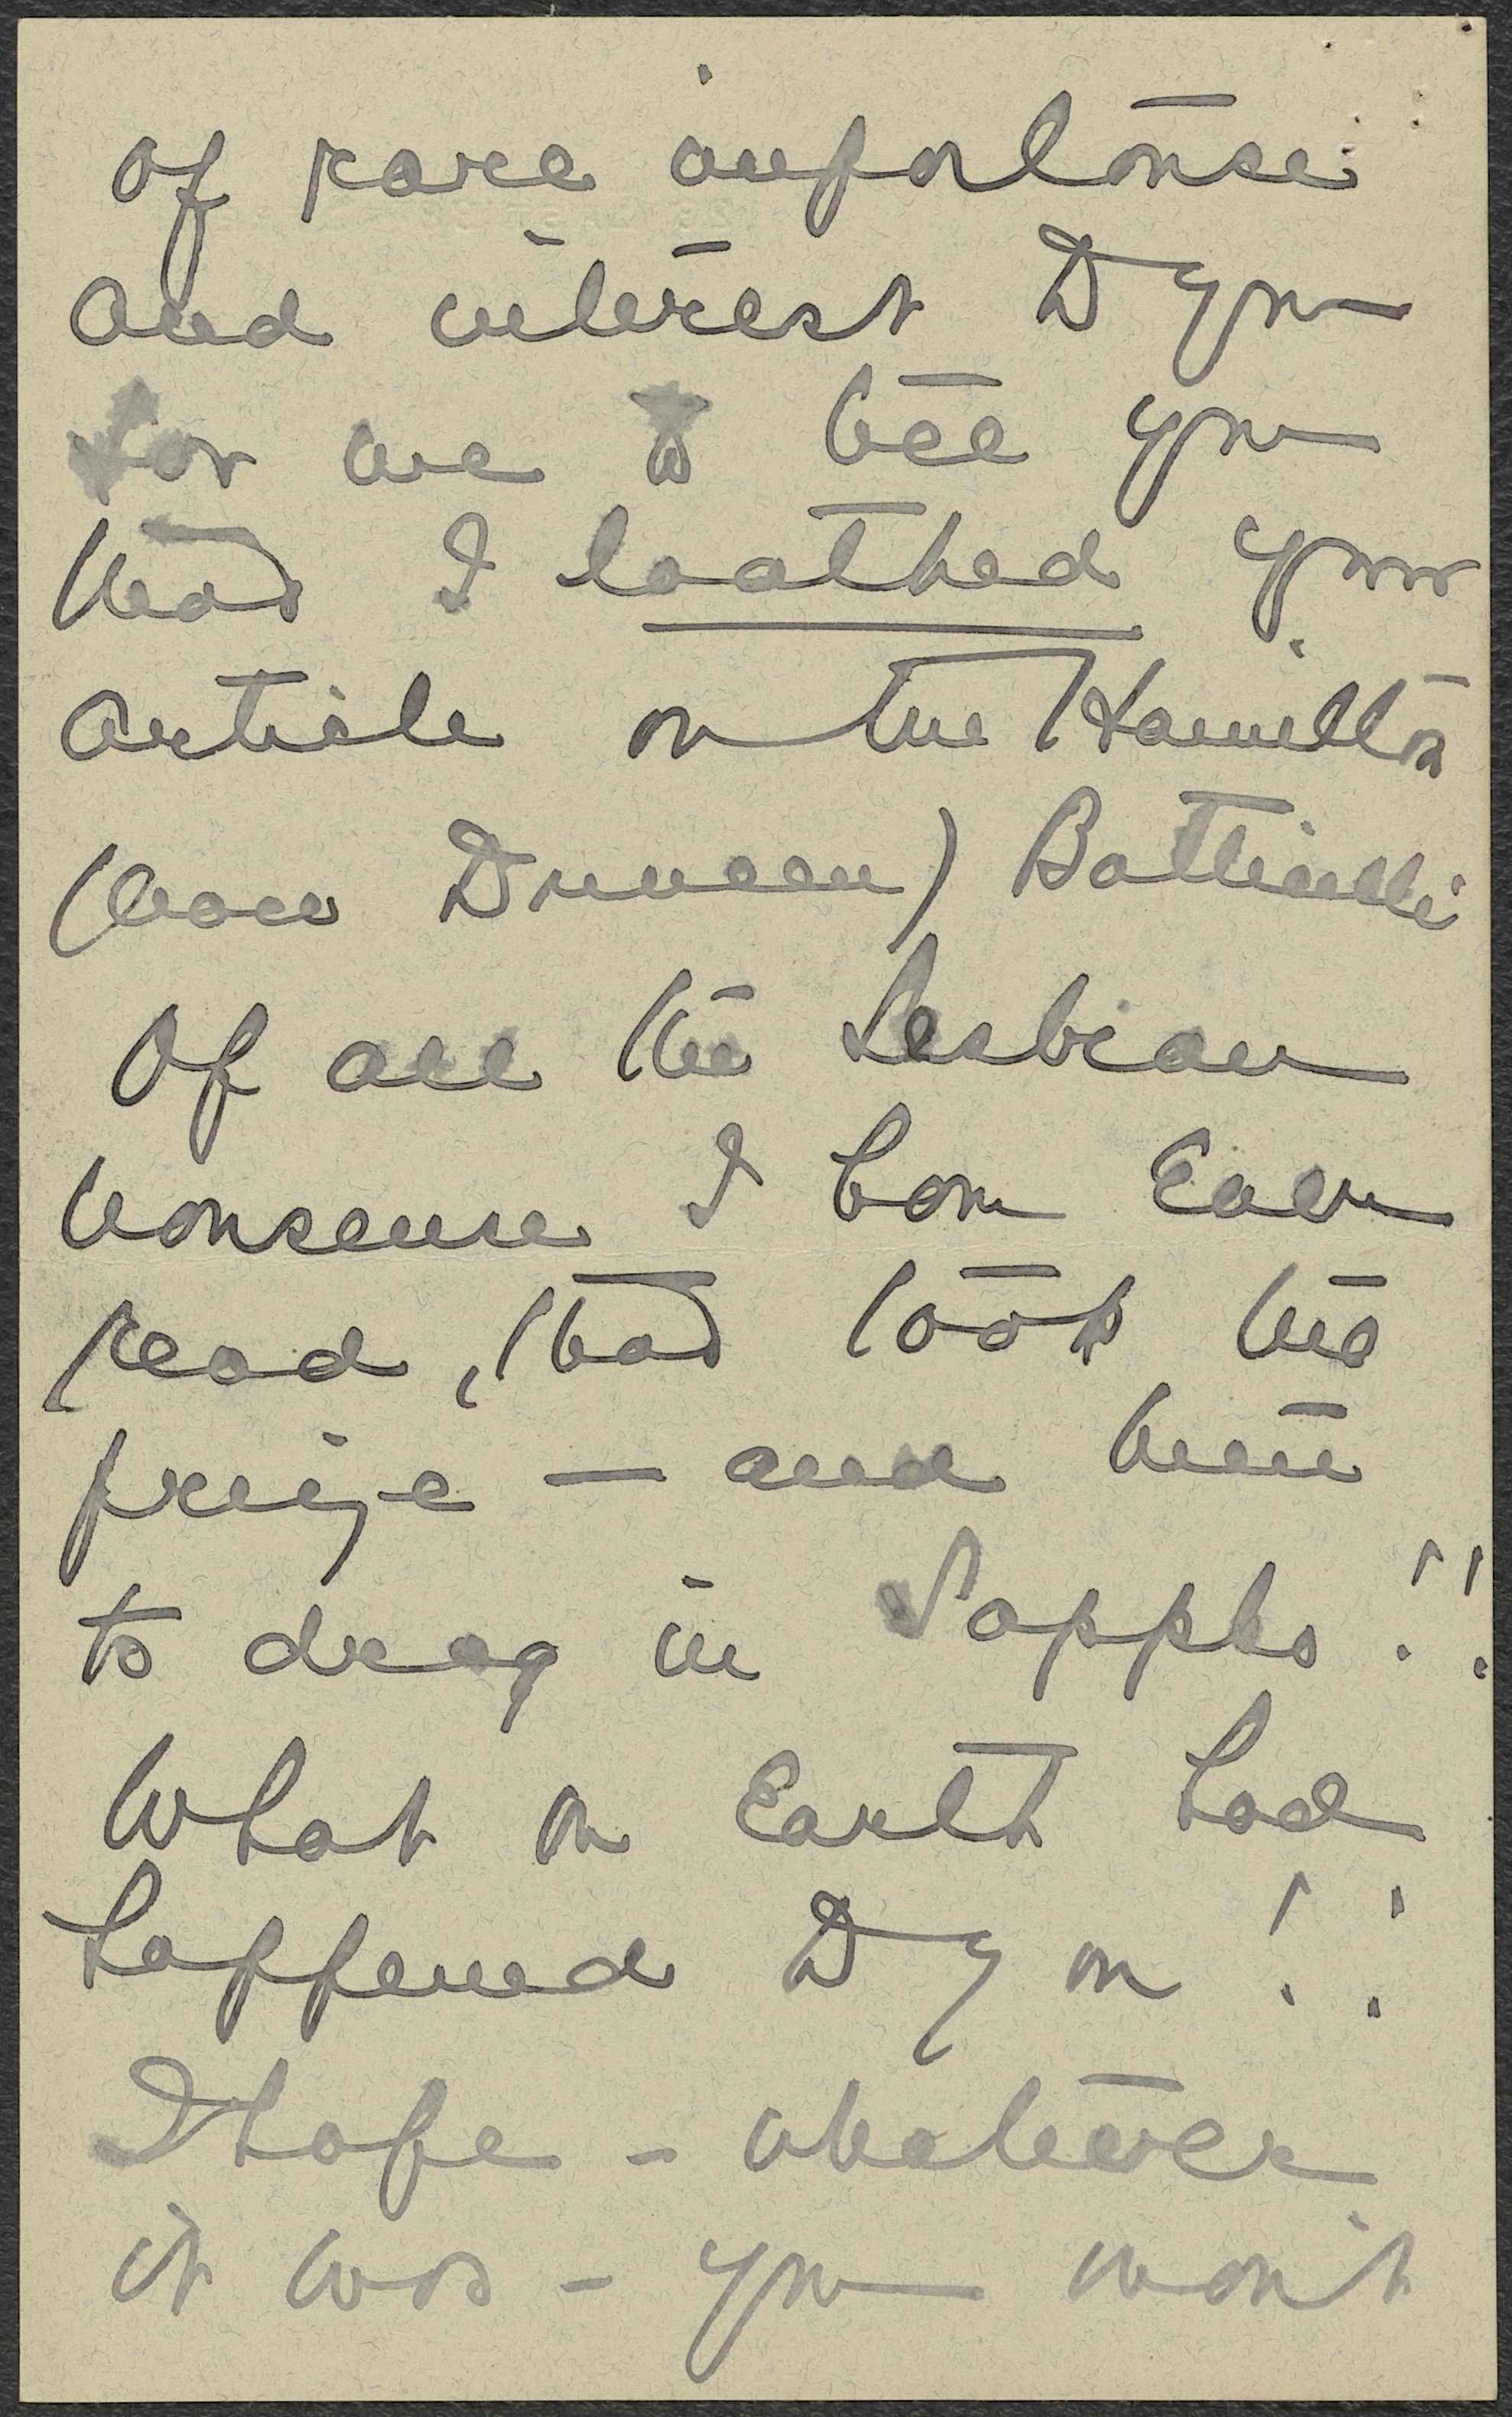of rare importance and interest to you for me to tell you that I loathed your article on the Hamilton (now Duveen) Botticelli
Of all the Lesbian nonsense I have ever read, that took the prize – and then to drag in Sapphs!! What on Earth had happened to you!! I hope – whatever it was – you won’t